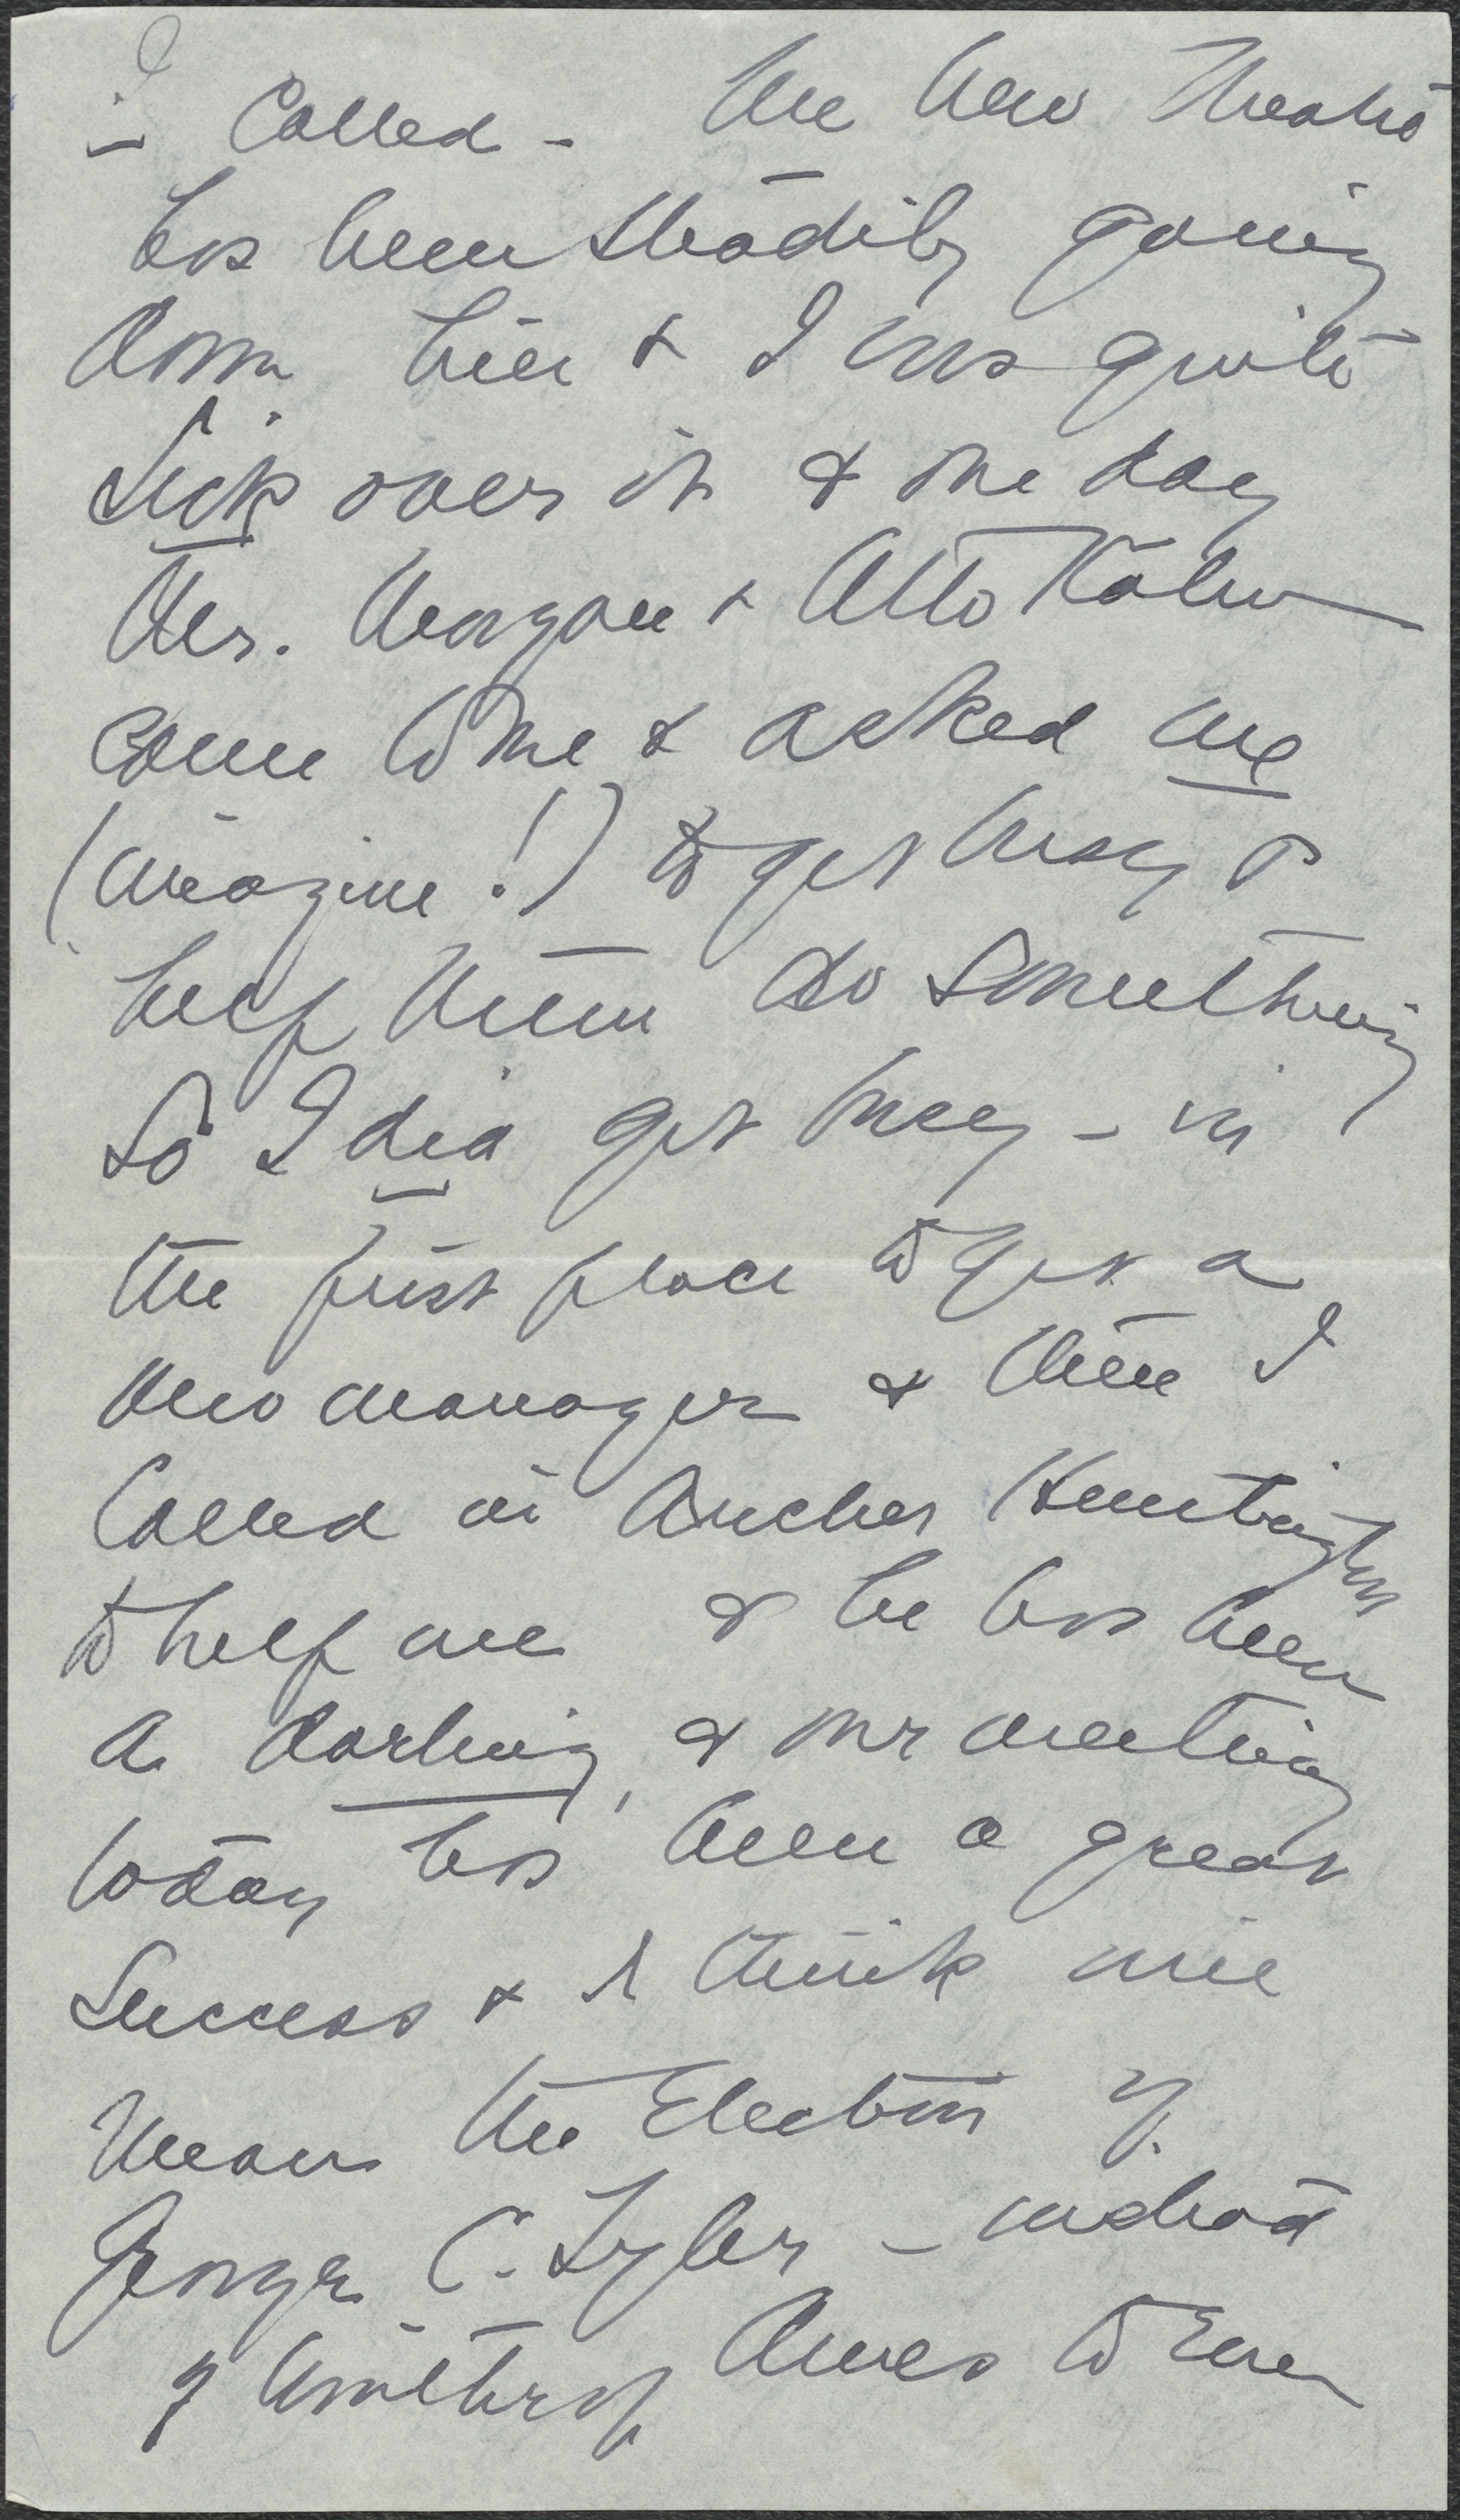I called – The New Theatre has been steadily going down hill & I was quite sick over it & one day Mr. Morgan & Otto Kahn came to me & asked me (imagine!) to get busy to help them do something so I did get busy – in the first place to get a new manager & then I called in Archer Huntington to help me & he has been a darling, & our meeting today has been a great success & I think will mean the Election of George C. Tyler – instead of Winthrop Ames to even